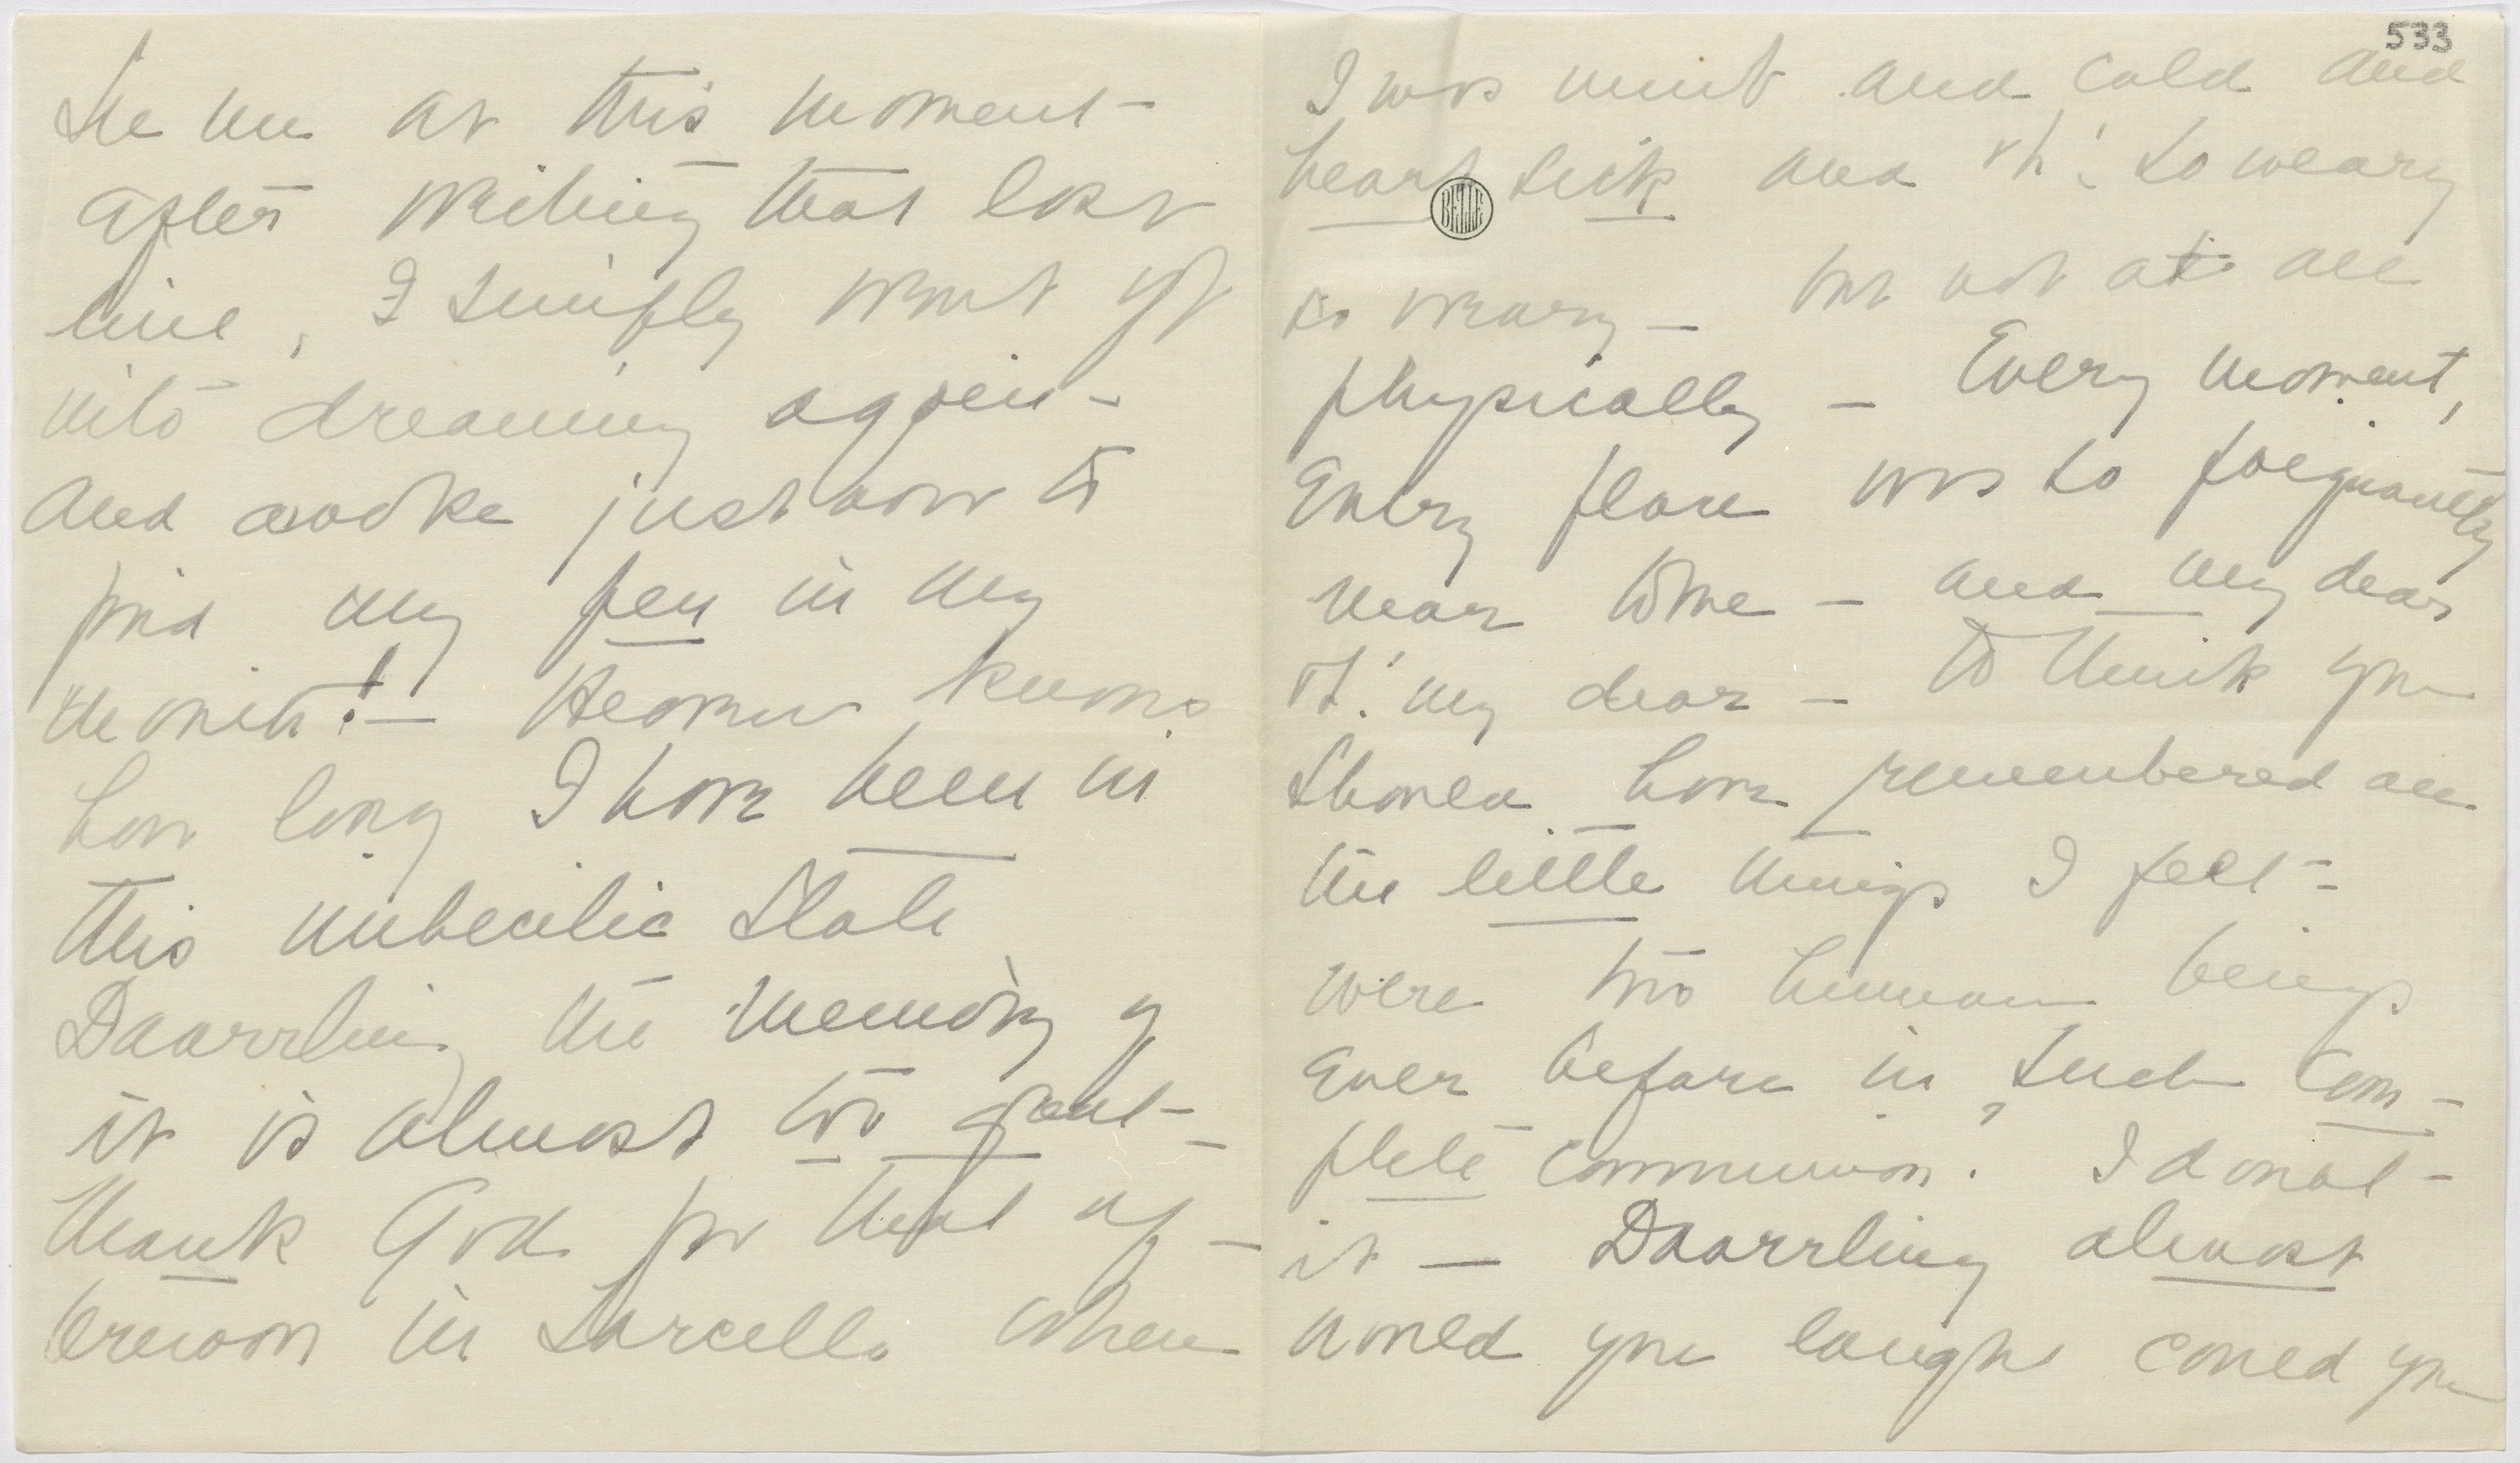I was numb and cold and heart sick and oh! so weary so weary – but not at all physically – Every moment, every place was so poignantly near to me – and my dear oh! my dear – to think you should have remembered all the little things I felt – were two human beings ever before in such complete communion? I doubt it – Daarrling almost would you laugh could you
See me at this moment after writing that last line, I simply went off into dreaming again – and awoke just now to find my pen in my mouth! – Heaven knows how long I have been in this imbecilic state
Daarrling the memory of it is almost too great – Thank God for that afternoon in Sarcello when